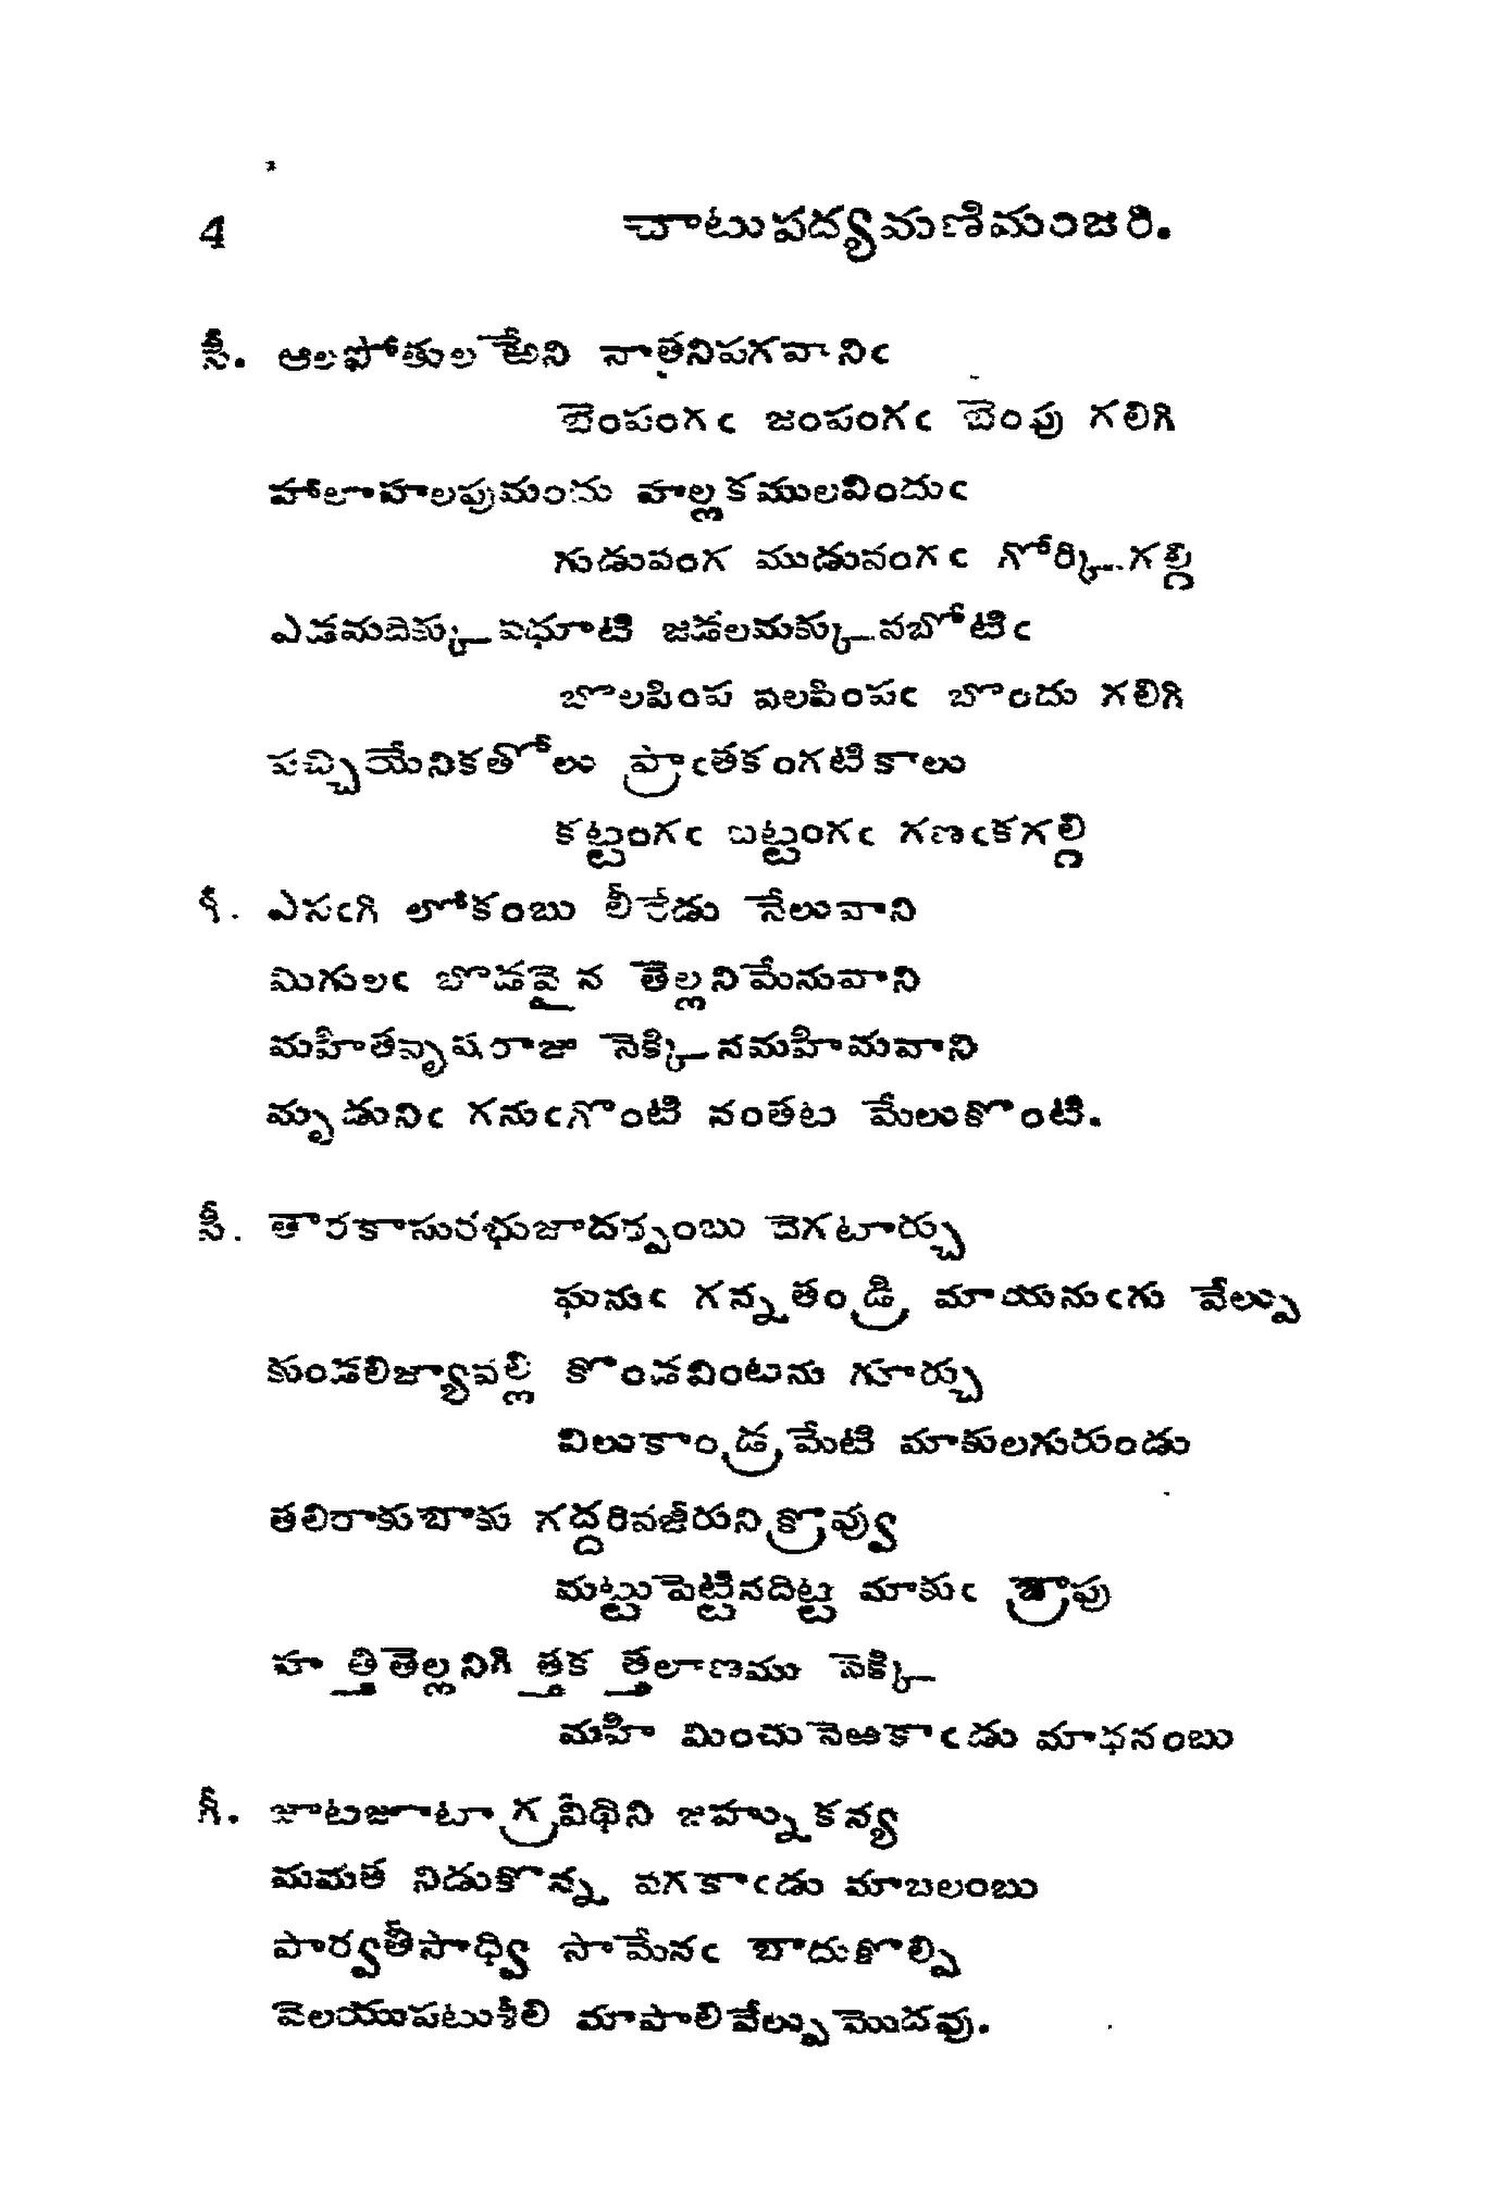సీ. ఆలపోతులఱేని నాతనిపగవాని
 బెంపంగఁ జంపంగఁ బెంపు గలిగి
 హాలాహలపుమందు హల్లకములవిందుఁ
 గుడువంగ ముడువంగఁ గోర్కిగల్గి
 ఎడమదిక్కువధూటి జడలమక్కువబోటిఁ
 బొలపింప వలపింపఁ బొందు గలిగి
 పచ్చియేనికతోలు ప్రాఁతకంగటికాలు
 కట్టంగఁ బట్టంగఁ గణఁక గల్గి
గీ. ఎసఁగి లోకంబు లీరేడు నేలువాని
 మిగులఁ బొడవైన తెల్లనిమేనువాని
 మహితవృషరాజు నెక్కినమహిమవాని
 మృడునిఁ గనుఁగొంటి నంతట మేలుకొంటి.
సీ. తారకాసురభుజాదర్పంబు దెగటార్చు
 ఘనుఁ గన్నతండ్రి మాయనుఁగువేల్పు
 కుండలిజ్యావల్లి కొండవింటను గూర్చు
 విలుకాండ్రమేటి మాకులగురుండు
 తలిరాకుబాకు గద్దరివజీరుని క్రొవ్వు
 మట్టు పెట్టినదిట్ట మాకుఁ బ్రాపు
 హత్తి తెల్లనిగిత్త కత్తలాణము నెక్కి
 మహి మించునెఱకాఁడు మాధనంబు
గీ. జాటజూటాగ్రవీథిని జహ్నుకన్య
 మమత నిడుకొన్న వగకాఁడు మాబలంబు
 పార్వతీసాధ్వి సామేనఁ బాదుకొల్పి
 వెలయుపటుశీలి మాపాలివేల్పుమొదవు.